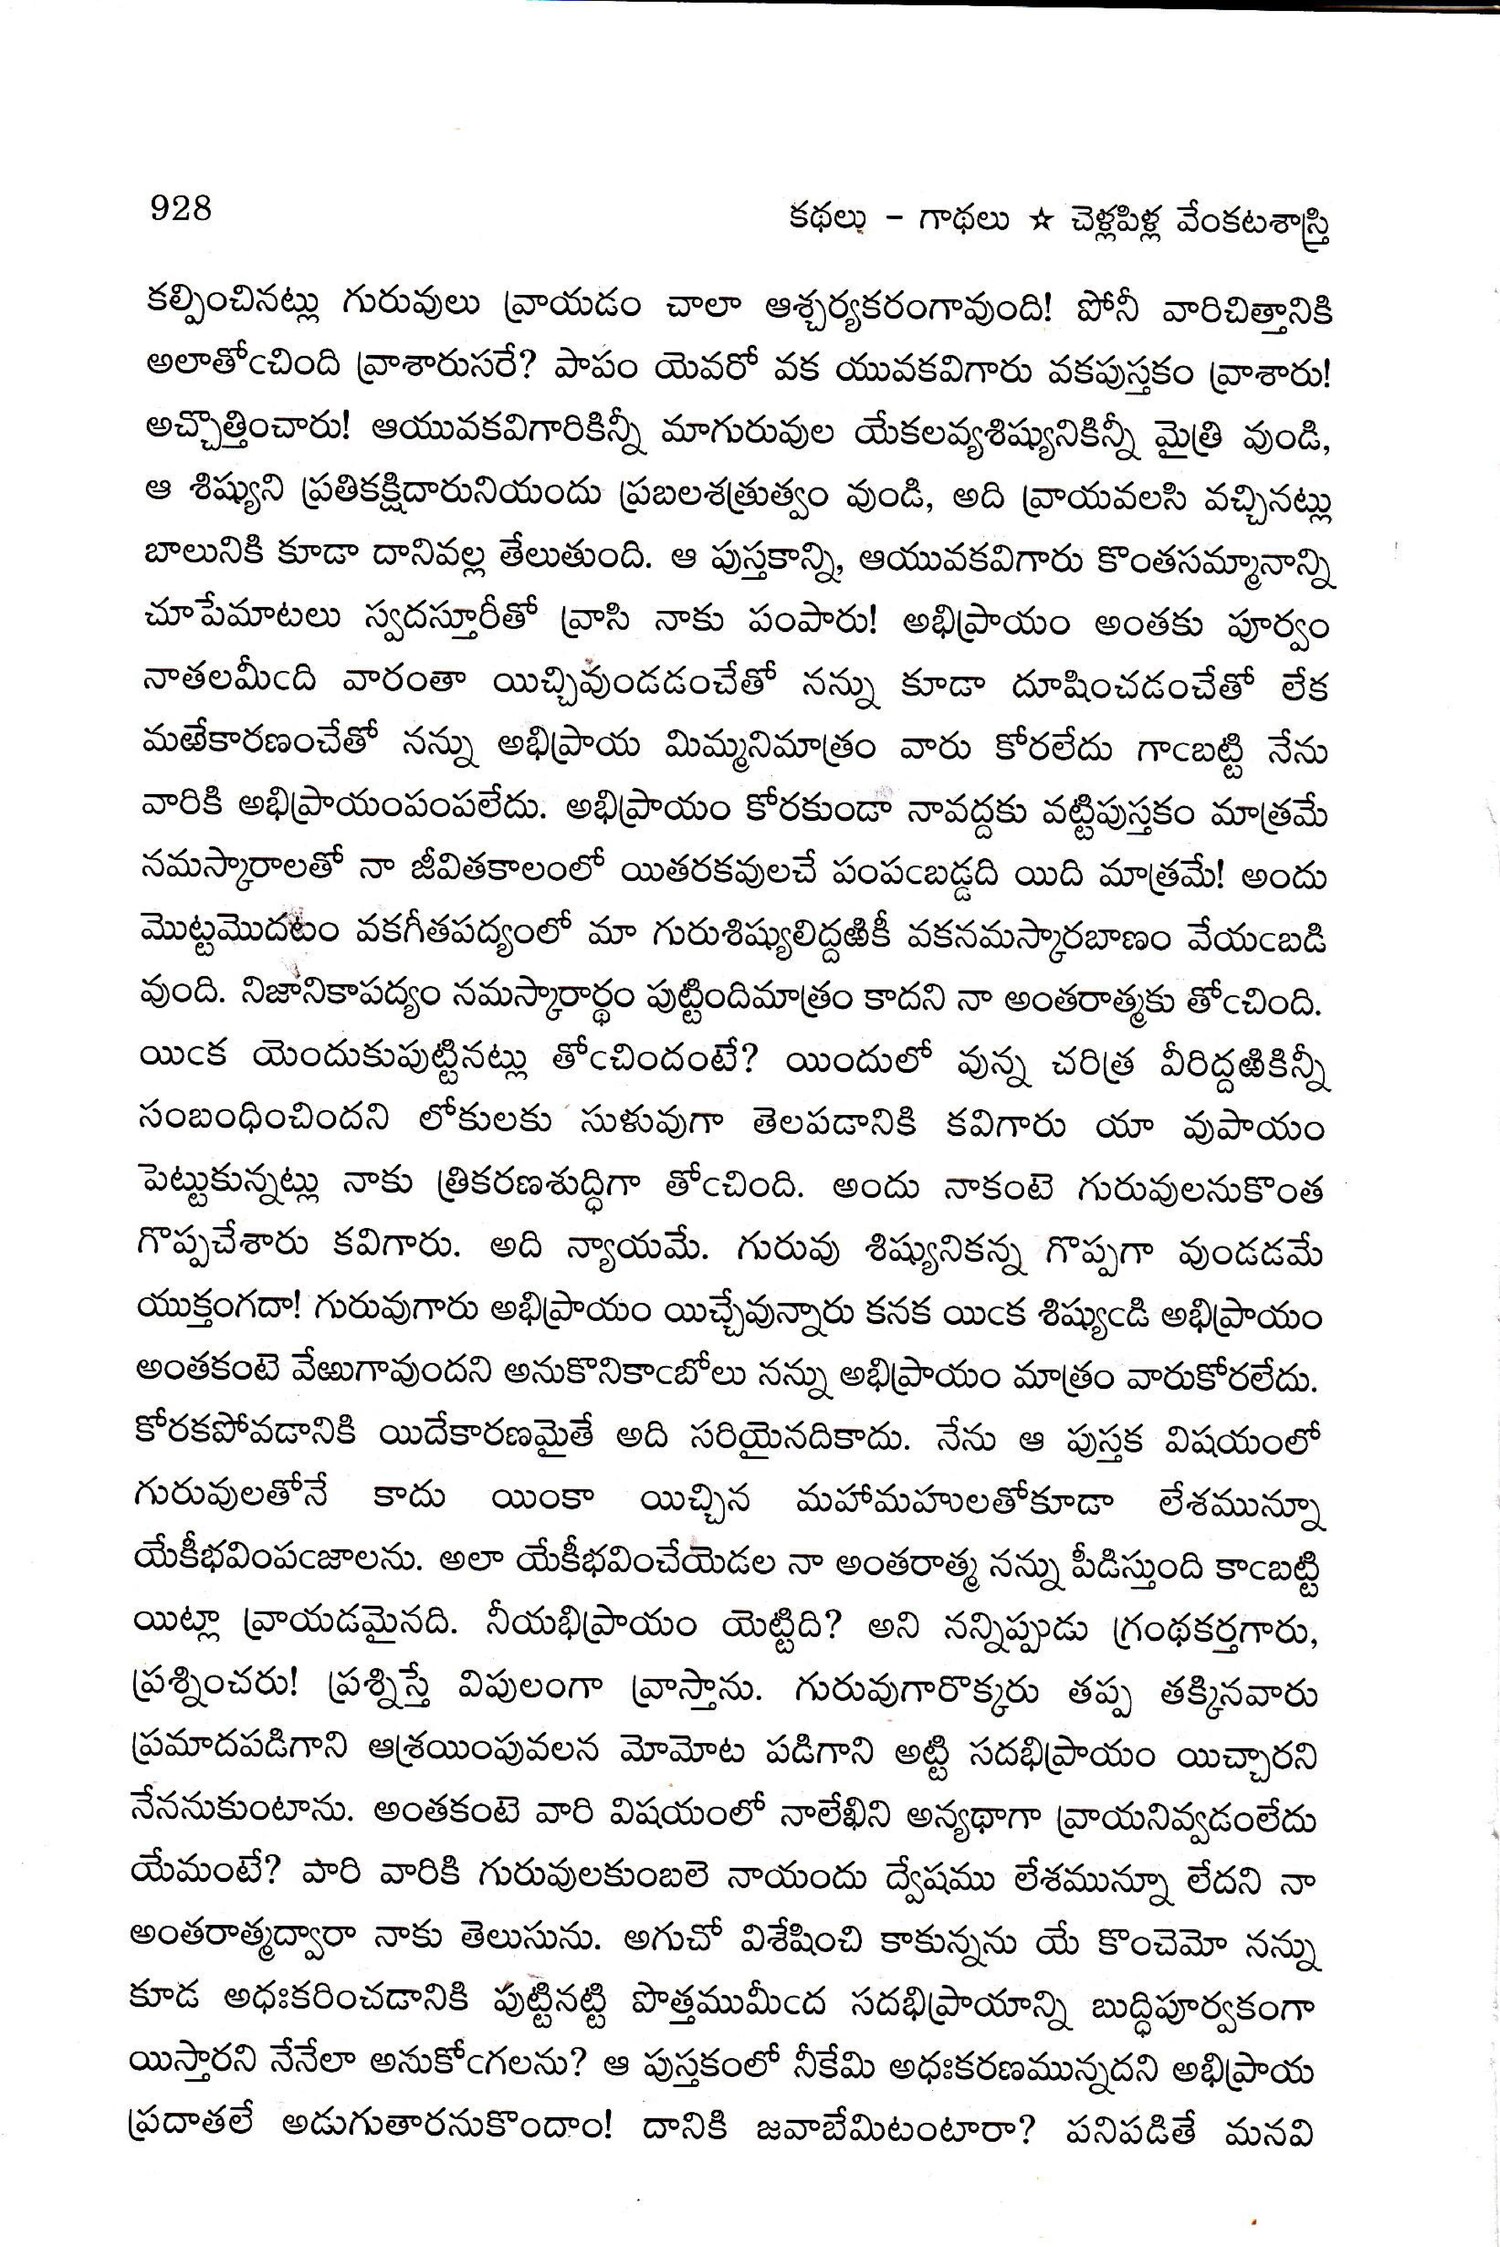కల్పించినట్లు గురువులు వ్రాయడం చాలా ఆశ్చర్యకరంగావుంది! ఫోనీ వారిచిత్తానికి అలాతోఁచింది వ్రాశారుసరే? పాపం యెవరో వక యువకవిగారు వకపుస్తకం వ్రాశారు! అచ్చొత్తించారు! ఆయువకవిగారికిన్నీ మాగురువుల యేకలవ్యశిష్యునికిన్నీ మైత్రి వుండి, ఆ శిష్యుని ప్రతికక్షిదారునియందు ప్రబలశత్రుత్వం వుండి, అది వ్రాయవలసి వచ్చినట్లు బాలునికి కూడా దానివల్ల తేలుతుంది. ఆ పుస్తకాన్ని ఆయువకవిగారు కొంతసమ్మానాన్ని చూపేమాటలు స్వదస్తూరీతో వ్రాసి నాకు పంపారు! అభిప్రాయం అంతకు పూర్వం నాతలమీఁది వారంతా యిచ్చివుండడంచేతో నన్ను కూడా దూషించడంచేతో లేక మఱేకారణంచేతో నన్ను అభిప్రాయ మిమ్మనిమాత్రం వారు కోరలేదు గాఁబట్టి నేను వారికి అభిప్రాయంపంపలేదు. అభిప్రాయం కోరకుండా నావద్దకు వట్టిపుస్తకం మాత్రమే నమస్కారాలతో నా జీవితకాలంలో యితరకవులచే పంపఁబడ్డది యిది మాత్రమే! అందు మొట్టమొదటం వకగీతపద్యంలో మా గురుశిష్యులిద్దఱికీ వకనమస్కారబాణం వేయఁబడి వుంది. నిజానికాపద్యం నమస్కారార్థం పుట్టిందిమాత్రం కాదని నా అంతరాత్మకు తోఁచింది. యిఁక యెందుకుపుట్టినట్లు తోఁచిందంటే? యిందులో వున్న చరిత్ర వీరిద్దఱికిన్నీ సంబంధించిందని లోకులకు సుళువుగా తెలపడానికి కవిగారు యా వుపాయం పెట్టుకున్నట్లు నాకు త్రికరణశుద్ధిగా తోఁచింది. అందు నాకంటె గురువులనుకొంత గొప్పచేశారు కవిగారు. అది న్యాయమే. గురువు శిష్యునికన్న గొప్పగా వుండడమే యుక్తంగదా! గురువుగారు అభిప్రాయం యిచ్చేవున్నారు కనక యిఁక శిష్యుఁడి అభిప్రాయం అంతకంటె వేఱుగావుందని అనుకొనికాఁబోలు నన్ను అభిప్రాయం మాత్రం వారుకోరలేదు. కోరకపోవడానికి యిదేకారణమైతే అది సరియైనదికాదు. నేను ఆ పుస్తక విషయంలో గురువులతోనే కాదు యింకా యిచ్చిన మహామహులతోకూడా లేశమున్నూ యేకీభవింపఁజాలను. అలా యేకీభవించేయెడల నా అంతరాత్మ నన్నుపీడిస్తుంది కాఁబట్టి యిట్లా వ్రాయడమైనది. నీయభిప్రాయం యెట్టిది? అని నన్నిప్పుడు గ్రంథకర్తగారు, ప్రశ్నించరు! ప్రశ్నిస్తే విపులంగా వ్రాస్తాను. గురువుగారొక్కరు తప్ప తక్కినవారు ప్రమాదపడిగాని ఆశ్రయింపువలన మోమోట పడిగాని అట్టి సదభిప్రాయం యిచ్చారని నేననుకుంటాను. అంతకంటె వారి విషయంలో నాలేఖిని అన్యథాగా వ్రాయనివ్వడంలేదు యేమంటే? వారి వారికి గురువులకుంబలె నాయందు ద్వేషము లేశమున్నూ లేదని నా అంతరాత్మద్వారా నాకు తెలుసును. అగుచో విశేషించి కాకున్నను యే కొంచెమో నన్ను కూడ అధఃకరించడానికి పుట్టినట్టి పొత్తముమీఁద సదభిప్రాయాన్ని బుద్ధిపూర్వకంగా యిస్తారని నేనేలా అనుకోఁగలను? ఆ పుస్తకంలో నీకేమి అధఃకరణమున్నదని అభిప్రాయ ప్రదాతలే అడుగుతారనుకొందాం! దానికి జవాబేమిటంటారా? పనిపడితే మనవి